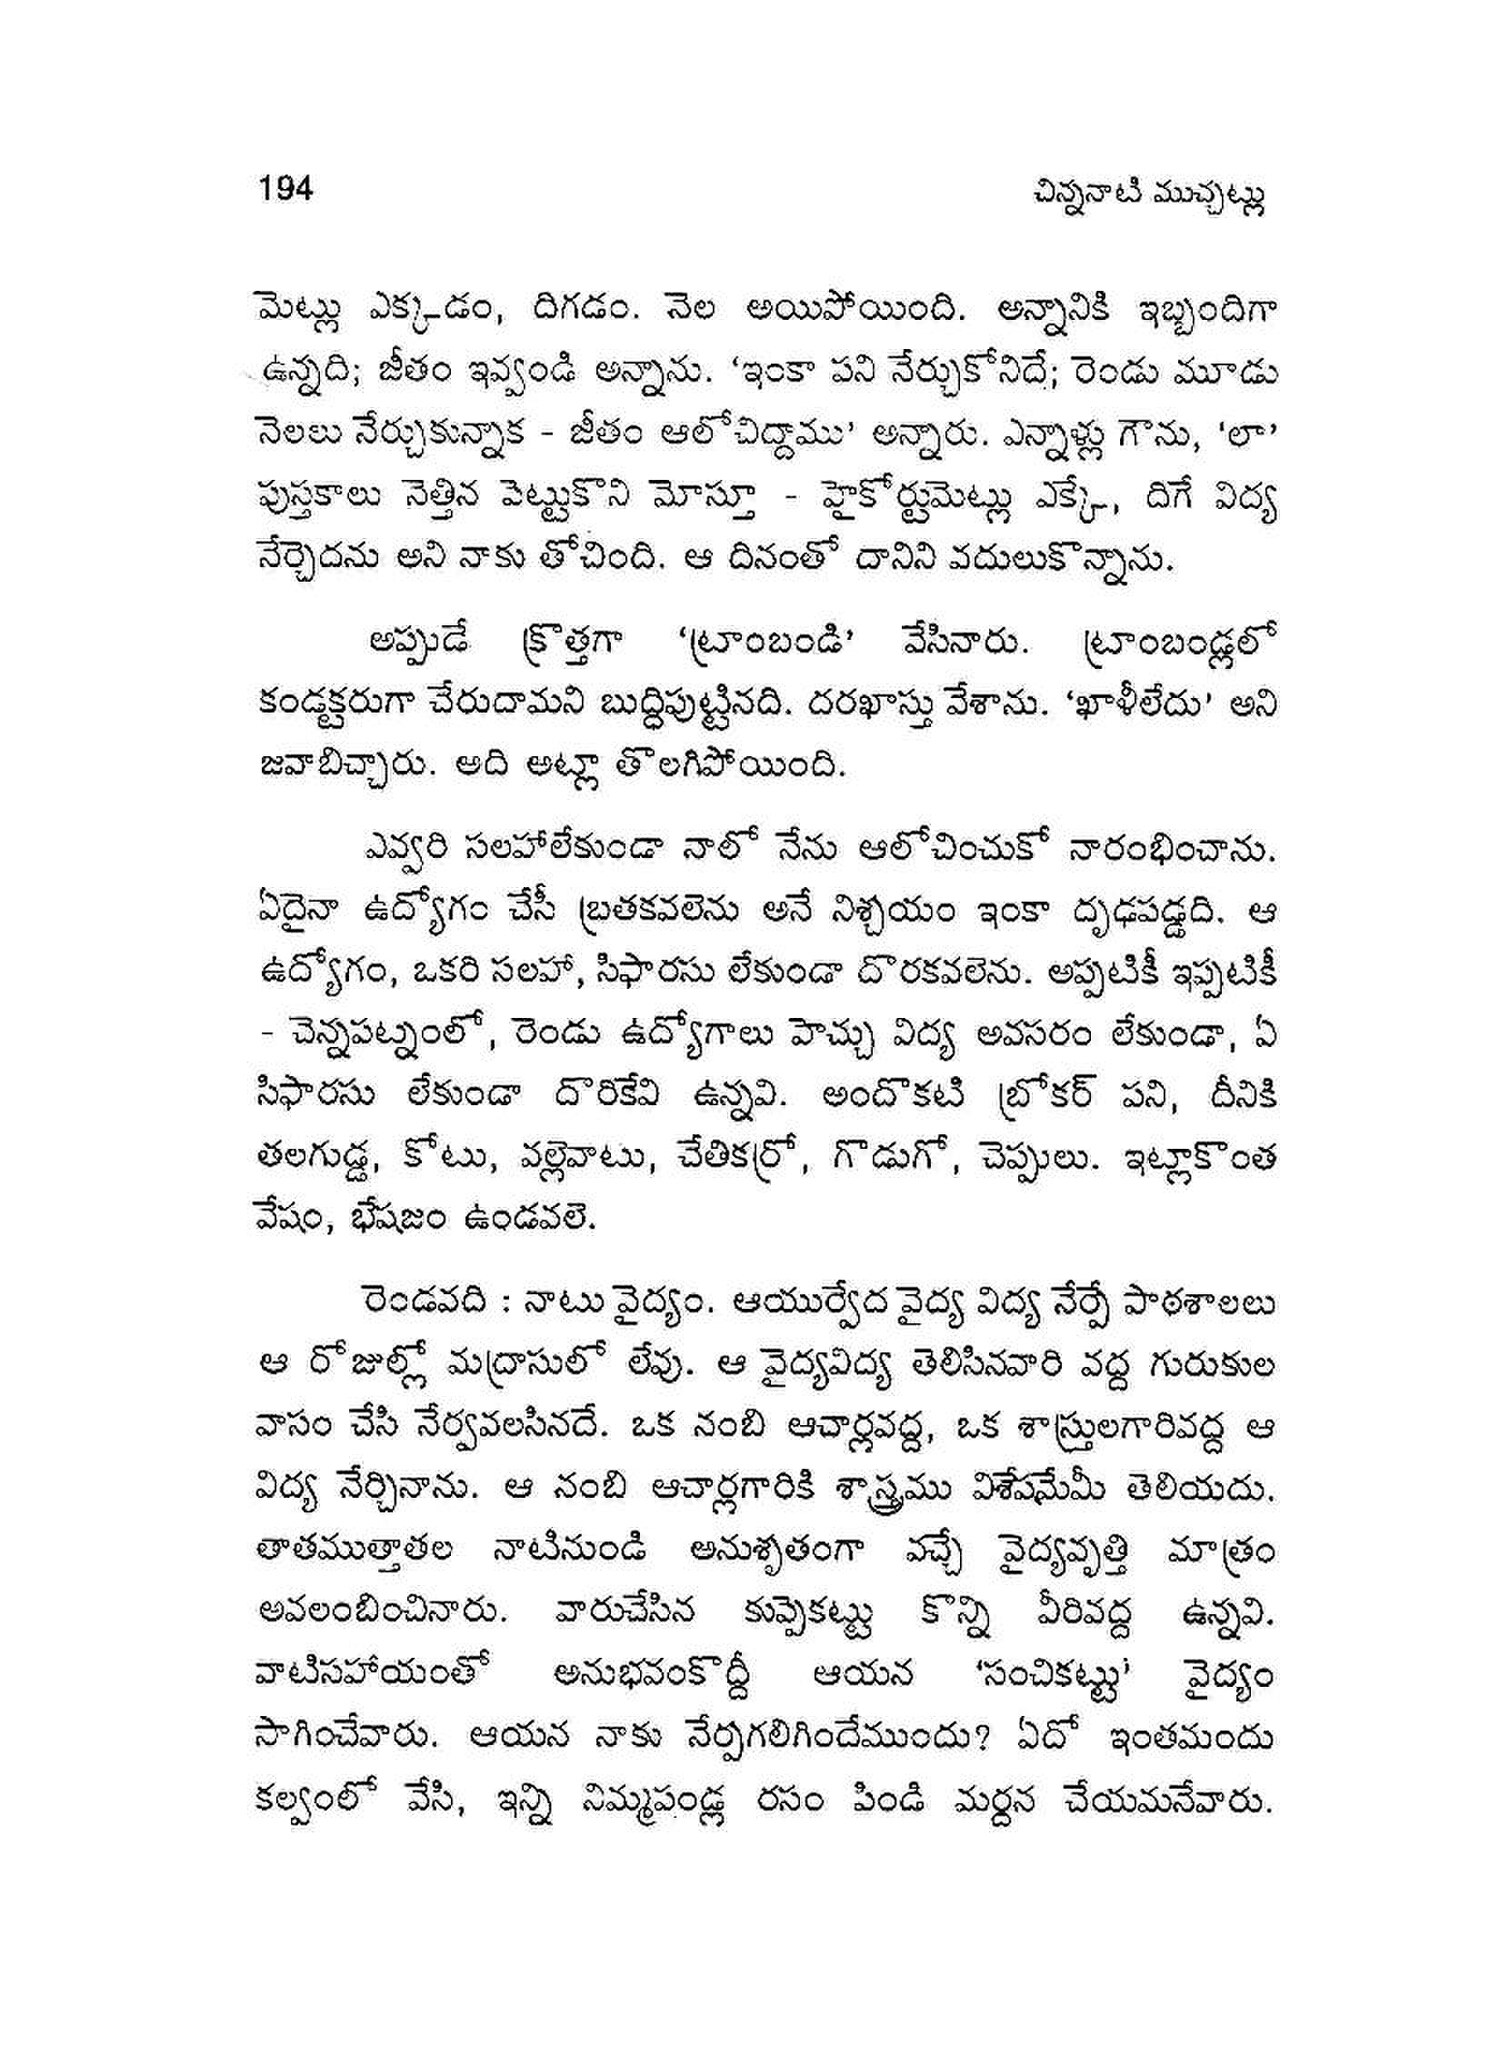మెట్లు ఎక్కడం, దిగడం, నెల అయిపొయింది. అన్నానికి ఇబ్బందిగా ఉన్నది; జీతం ఇవ్వండి అన్నాను. 'ఇంకా పని నేర్చుకోనిదే; రెండు మూడు నెలలు నేర్చుకున్నాక - జీతం ఆలోచిద్దాము' అన్నారు. ఎన్నాళ్లు గౌను, "లా" పుస్తకాలు నెత్తిన పెట్టుకొని మోస్తూ - హైకోర్టుమెట్లు ఎక్కే, దిగే విద్య నేర్చెదను అని నాకు తోచింది. ఆ దినంతో దానిని వదులుకొన్నాను.

అప్పడే క్రొత్తగా 'ట్రాంబండి' వేసినారు. ట్రాంబండ్లలో కండక్టరుగా చేరుదామని బుద్దిపుట్టినది. దరఖాస్తు వేశాను. 'ఖాళీలేదు" అని జవాబిచ్చారు. అది అట్లా తొలగిపోయింది.

ఎవ్వరి సలహాలేకుండా నాలో నేను ఆలోచించుకో నారంభించాను. ఏదైనా ఉద్యోగం చేసే బ్రతకవలెను అనే నిశ్చయం ఇంకా దృఢపడ్డది. ఆ ఉద్యోగం, ఒకరి సలహా, సిఫారసు లేకుండా దొరకవలెను. అప్పటికీ ఇప్పటికీ - చెన్నపట్నంలో, రెండు ఉద్యోగాలు హెచ్చు విద్య అవసరం లేకుండా, ఏ సిఫారసు లేకుండా దొరికేవి ఉన్నవి. అందొకటి బ్రోకర్ పని, దీనికి తలగుడ్డ, కోటు, వల్లెవాటు, చేతికర్రో, గొడుగో, చెప్పులు. ఇట్టాకొంత వేషం, భేషజం ఉండవలె.

రెండవది : నాటు వైద్యం. ఆయుర్వేద వైద్య విద్య నేర్పే పాఠశాలలు ఆ రోజుల్లో మద్రాసులో లేవు. ఆ వైద్యవిద్య తెలిసినవారి వద్ద గురుకుల వాసం చేసి నేర్వవలసినదే. ఒక నంబి ఆచార్లవద్ద, ఒక శాస్త్రులగారివద్ద ఆ విద్య నేర్చినాను. ఆ నంబి ఆచార్లగారికి శాస్త్రము విశేషమేమీ తెలియదు. తాతముత్తాతల నాటినుండి అనుశృతంగా వచ్చే వైద్యవృత్తి మాత్రం అవలంబించినారు. వారుచేసిన కుప్పెకట్టు కొన్ని వీరివద్ద ఉన్నవి. వాటిసహాయంతో అనుభవంకొద్దీ ఆయన 'సంచికట్టు' వైద్యం సాగించేవారు. ఆయన నాకు నేర్పగలిగిందేముందు? ఏదో ఇంతమందు కల్వంలో వేసి, ఇన్ని నిమ్మపండ్ల రసం పిండి మర్దన చేయమనేవారు.